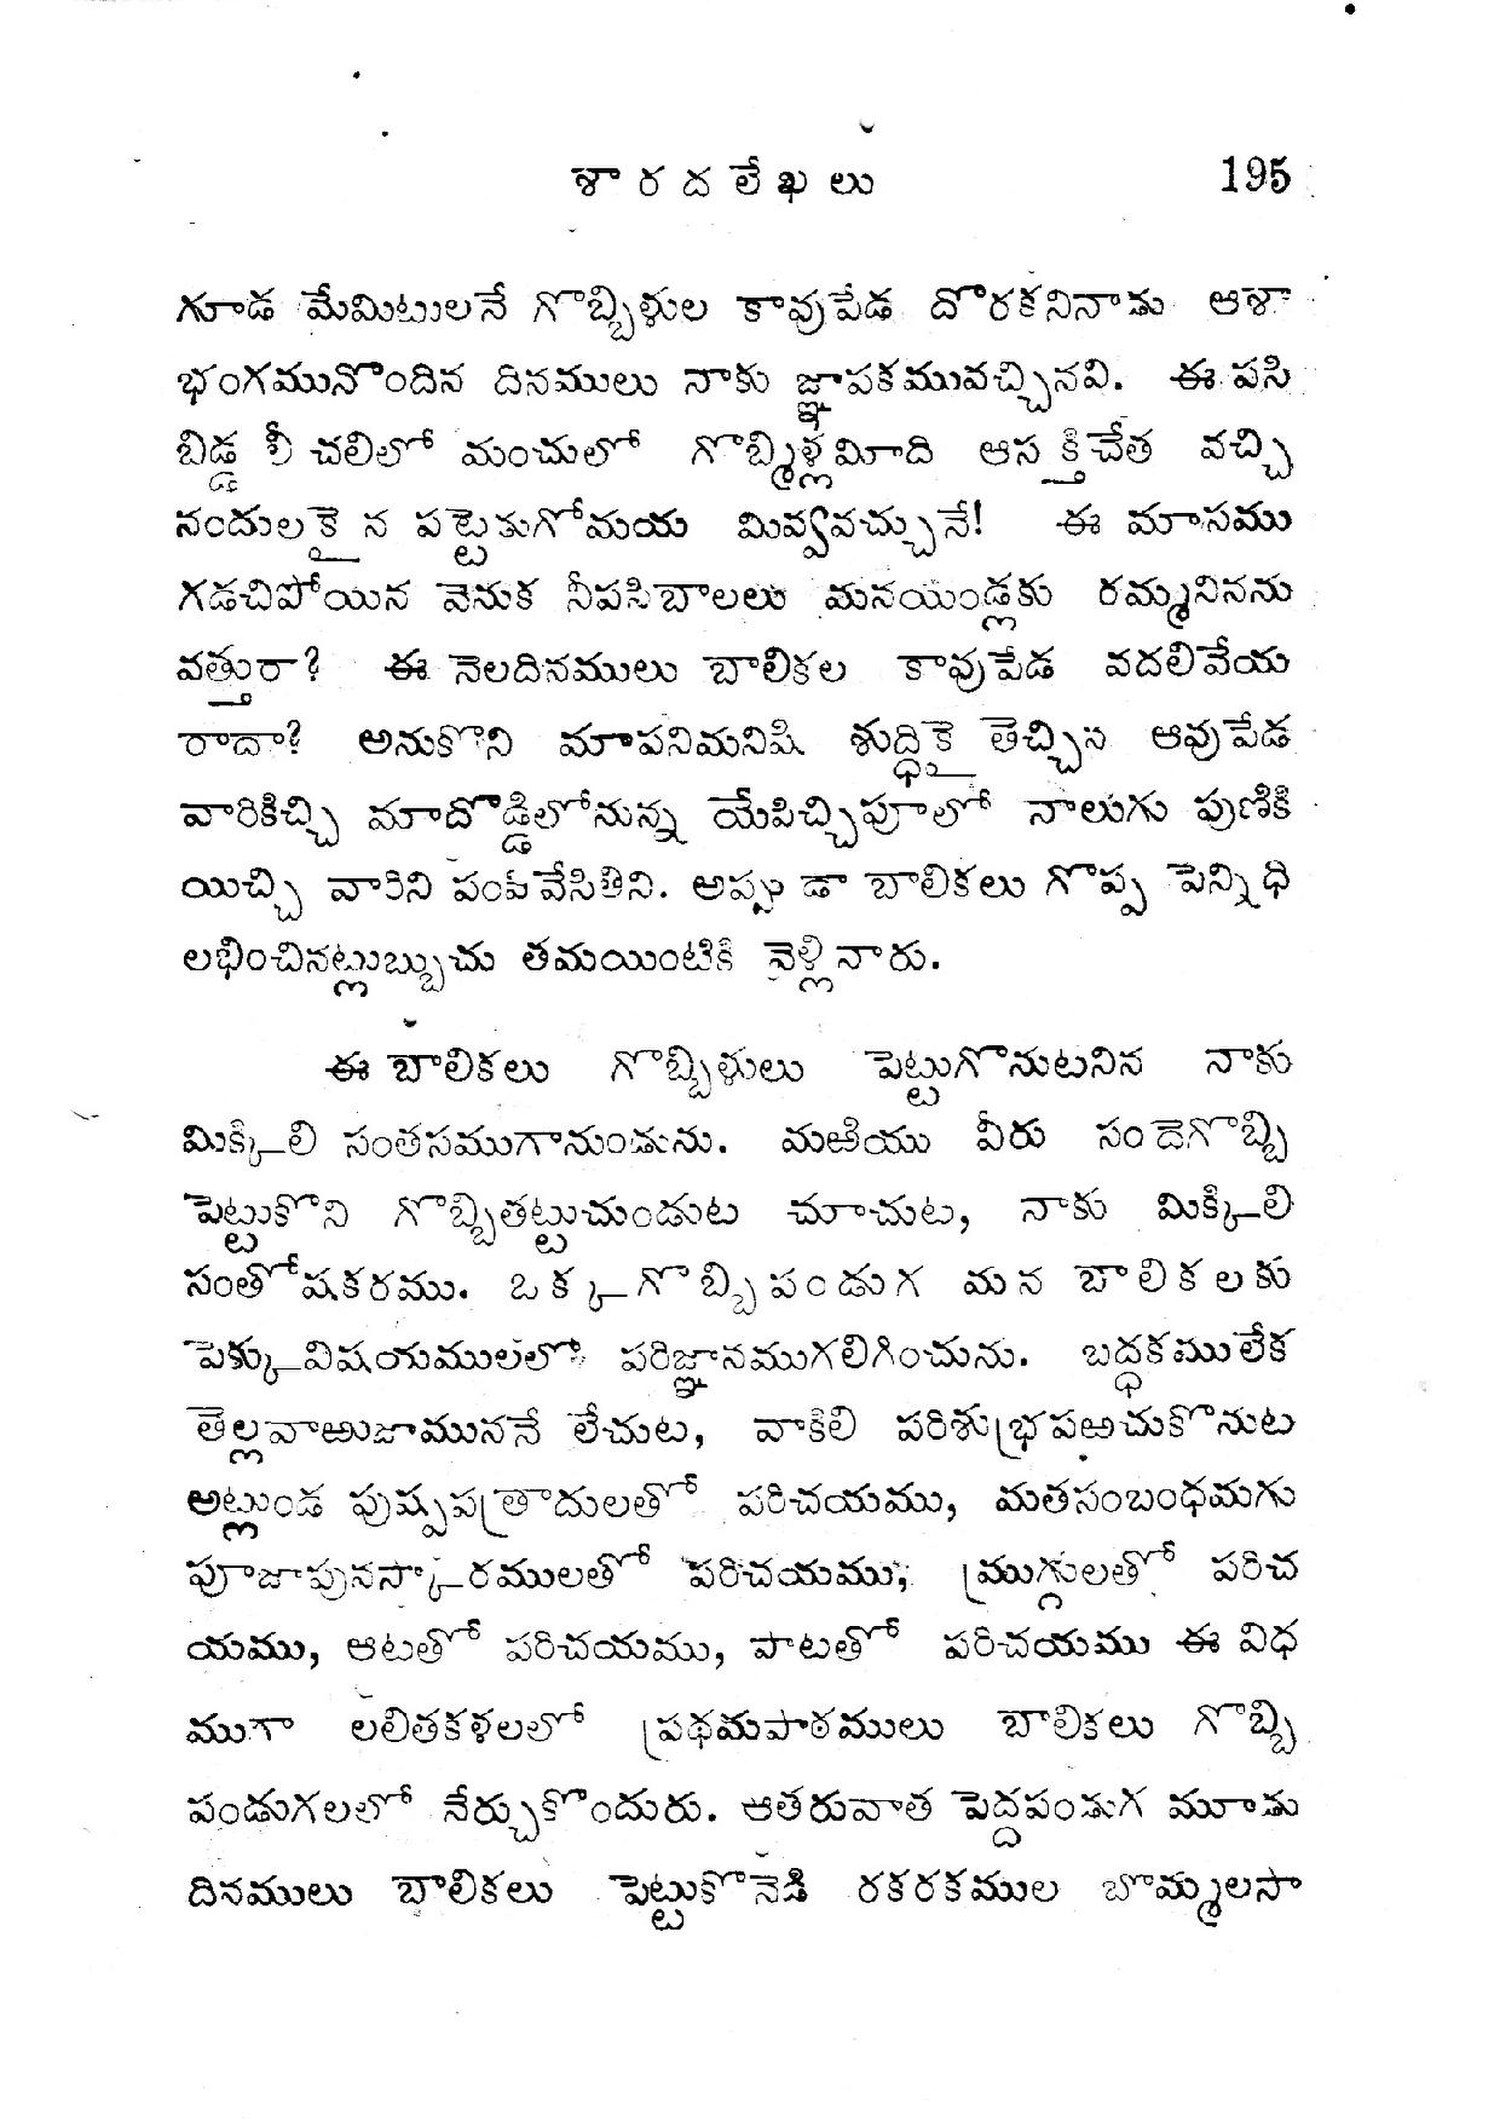గూడ మేమిటులనే గొబ్బిళుల కావుపేడ దొరకనినాడు ఆశాభంగమునొందిన దినములు నాకు జ్ఞాపకమువచ్చినవి. ఈ పసిబిడ్డ లీ చలిలో మంచులో గొబ్మిళ్లమీది ఆసక్తిచేత వచ్చినందులకైన పట్టెడుగోమయ మివ్వవచ్చునే! ఈ మాసము గడచిపోయిన వెనుక నీపసిబాలలు మనయిండ్లకు రమ్మనినను
వత్తురా? ఈ నెలదినములు బాలికల కావుపేడ వదలివేయరాదా? అనుకొని మాపనిమనిషి శుద్ధికై తెచ్చిన ఆవుపేడ వారికిచ్చి మాదొడ్డిలోనున్న యేపిచ్చిపూలో నాలుగు పుణికి యిచ్చి వారిని పంపివేసితిని. అప్పుడా బాలికలు గొప్ప పెన్నిధి లభించినట్లుబ్బుచు తమయింటికి వెళ్లినారు.

ఈ బాలికలు గొబ్బిళులు పెట్టుగొనుటనిన నాకు మిక్కిలి సంతసముగానుండును. మఱియు వీరు సందెగొబ్బి
పెట్టుకొని గొబ్బితట్టుచుండుట చూచుట, నాకు మిక్కిలి సంతోషకరము. ఒక్క గొబ్బిపండుగ మన బాలికలకు
పెక్కు విషయములలో పరిజ్ఞానముగలిగించును. బద్ధకములేక తెల్లవాఱుజాముననే లేచుట, వాకిలి పరిశుభ్రపఱచుకొనుట అట్లుండ పుష్పపత్రాదులతో పరిచయము, మతసంబంధమగు పూజాపునస్కారములతో పరిచయము, మ్రుగ్గులతో పరిచయము, ఆటతో పరిచయము, పాటతో పరిచయము ఈ విధముగా లలితకళలలో ప్రథమపాఠములు బాలికలు గొబ్బి పండుగలలో నేర్చుకొందురు. ఆతరువాత పెద్దపండుగ మూడుదినములు బాలికలు పెట్టుకొనెడి రకరకముల బొమ్మలసా